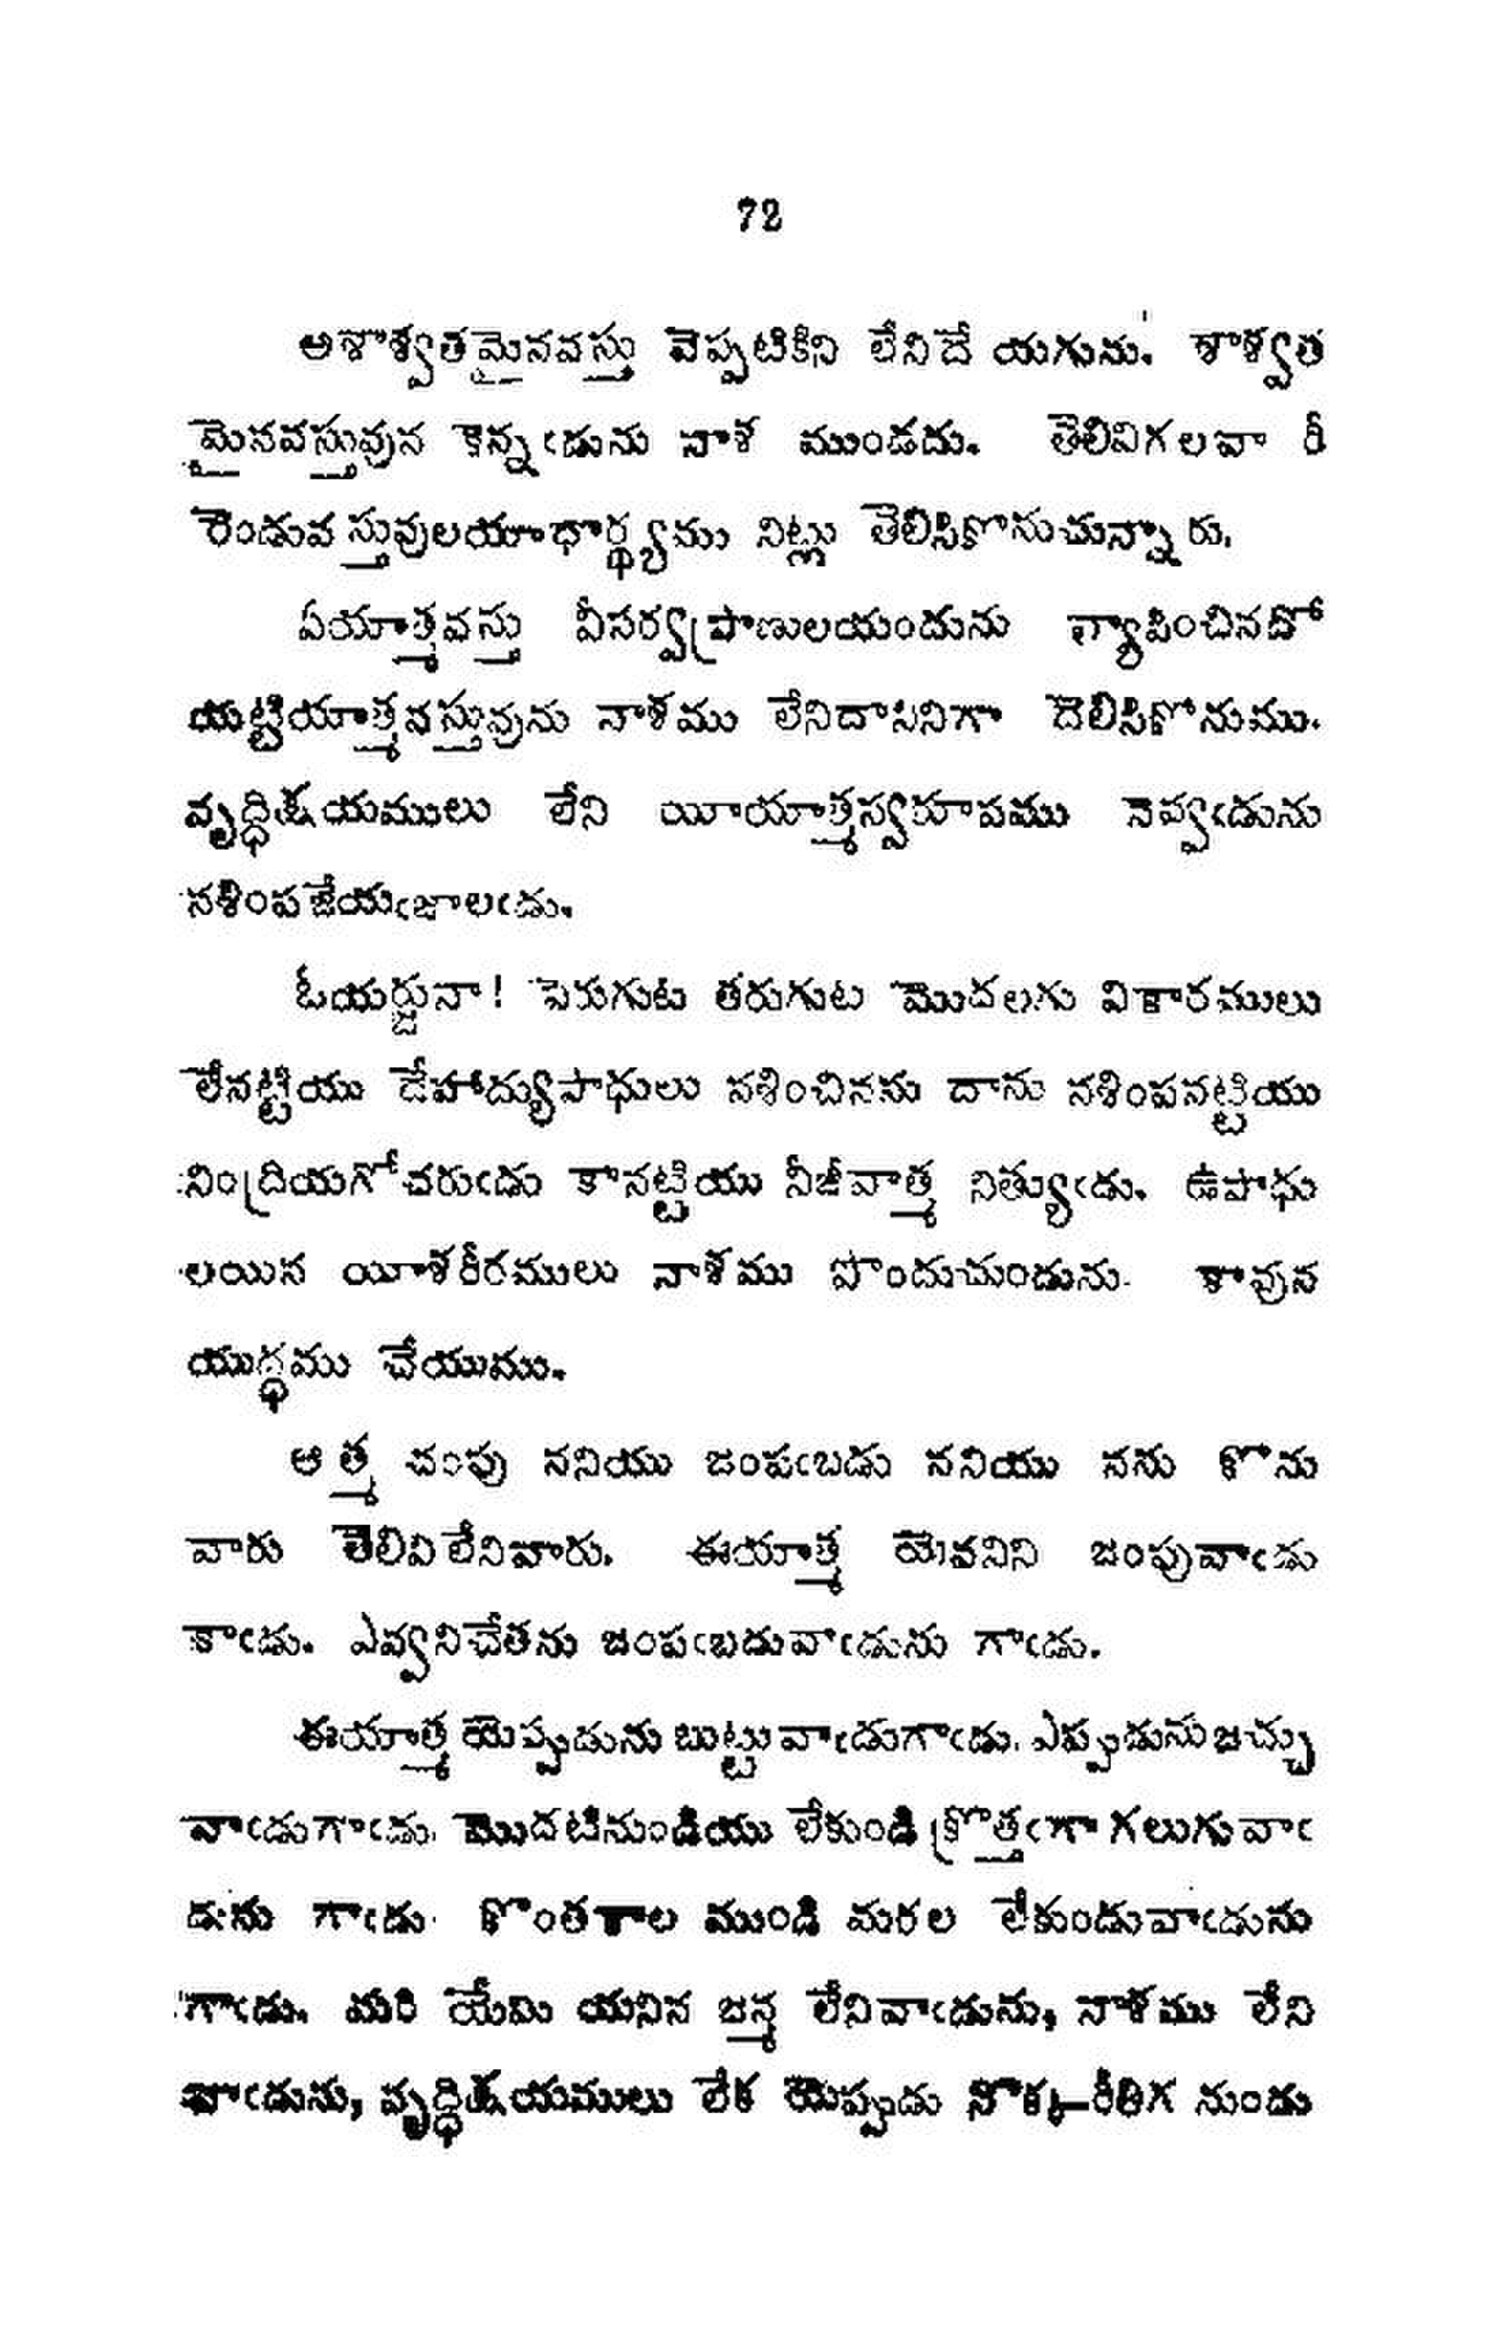అశాశ్వతమైనవస్తు వెప్పటికిని లేనిదే యగును. శాశ్వతమైనవస్తువున కెన్నఁడును నాశ ముండదు.
తెలివిగలవా రీ రెండువస్తువులయాధార్థ్యము నిట్లు తెలిసికొనుచున్నారు.

ఏయాత్మవస్తు వీసర్వ ప్రాణులయందును వ్యాపించినదో యట్టియాత్మవస్తువును నాశము లేనిదానినిగా దెలిసికొనుము. వృద్ధిక్షయములు లేని యీయాత్మస్వరూపము నెవ్వఁడును
నశింపజేయఁజాలఁడు.

ఓయర్జునా ! పెరుగుట తరుగుట మొదలగు వికారములు లేనట్టియు దేహాద్యుపాధులు నశించినను దాను నశింపనట్టియు నింద్రియగోచరుఁడు కానట్టియు నీజీవాత్మ నిత్యుఁడు. ఉపాధులయిన యీశరీరములు నాశము పొందుచుండును. కావున యుద్ధము చేయుము.

ఆత్మ చంపు ననియు జంపఁబడు ననియు నను కొనువారు తెలివిలేనివారు. ఈయాత్మ యెవనిని జంపువాఁడు కాఁడు. ఎవ్వనిచేతను జంపఁబడువాఁడును గాఁడు.

ఈయాత్మయెప్పుడును బుట్టువాఁడుగాఁడు. ఎప్పుడునుజచ్చువాఁడు గాఁడు. మొదటినుండియు లేకుండి క్రొత్తఁగా గలుగువాఁడును గాఁడు. కొంతకాల ముండి మరల లేకుండువాఁడును గాఁడు. మరి యేమి యనిన జన్మ లేనివాఁడును, నాశము లేనివాఁడును, వృద్ధిక్షయములు లేక యెప్పుడు నొక్కరీతిగ నుండు